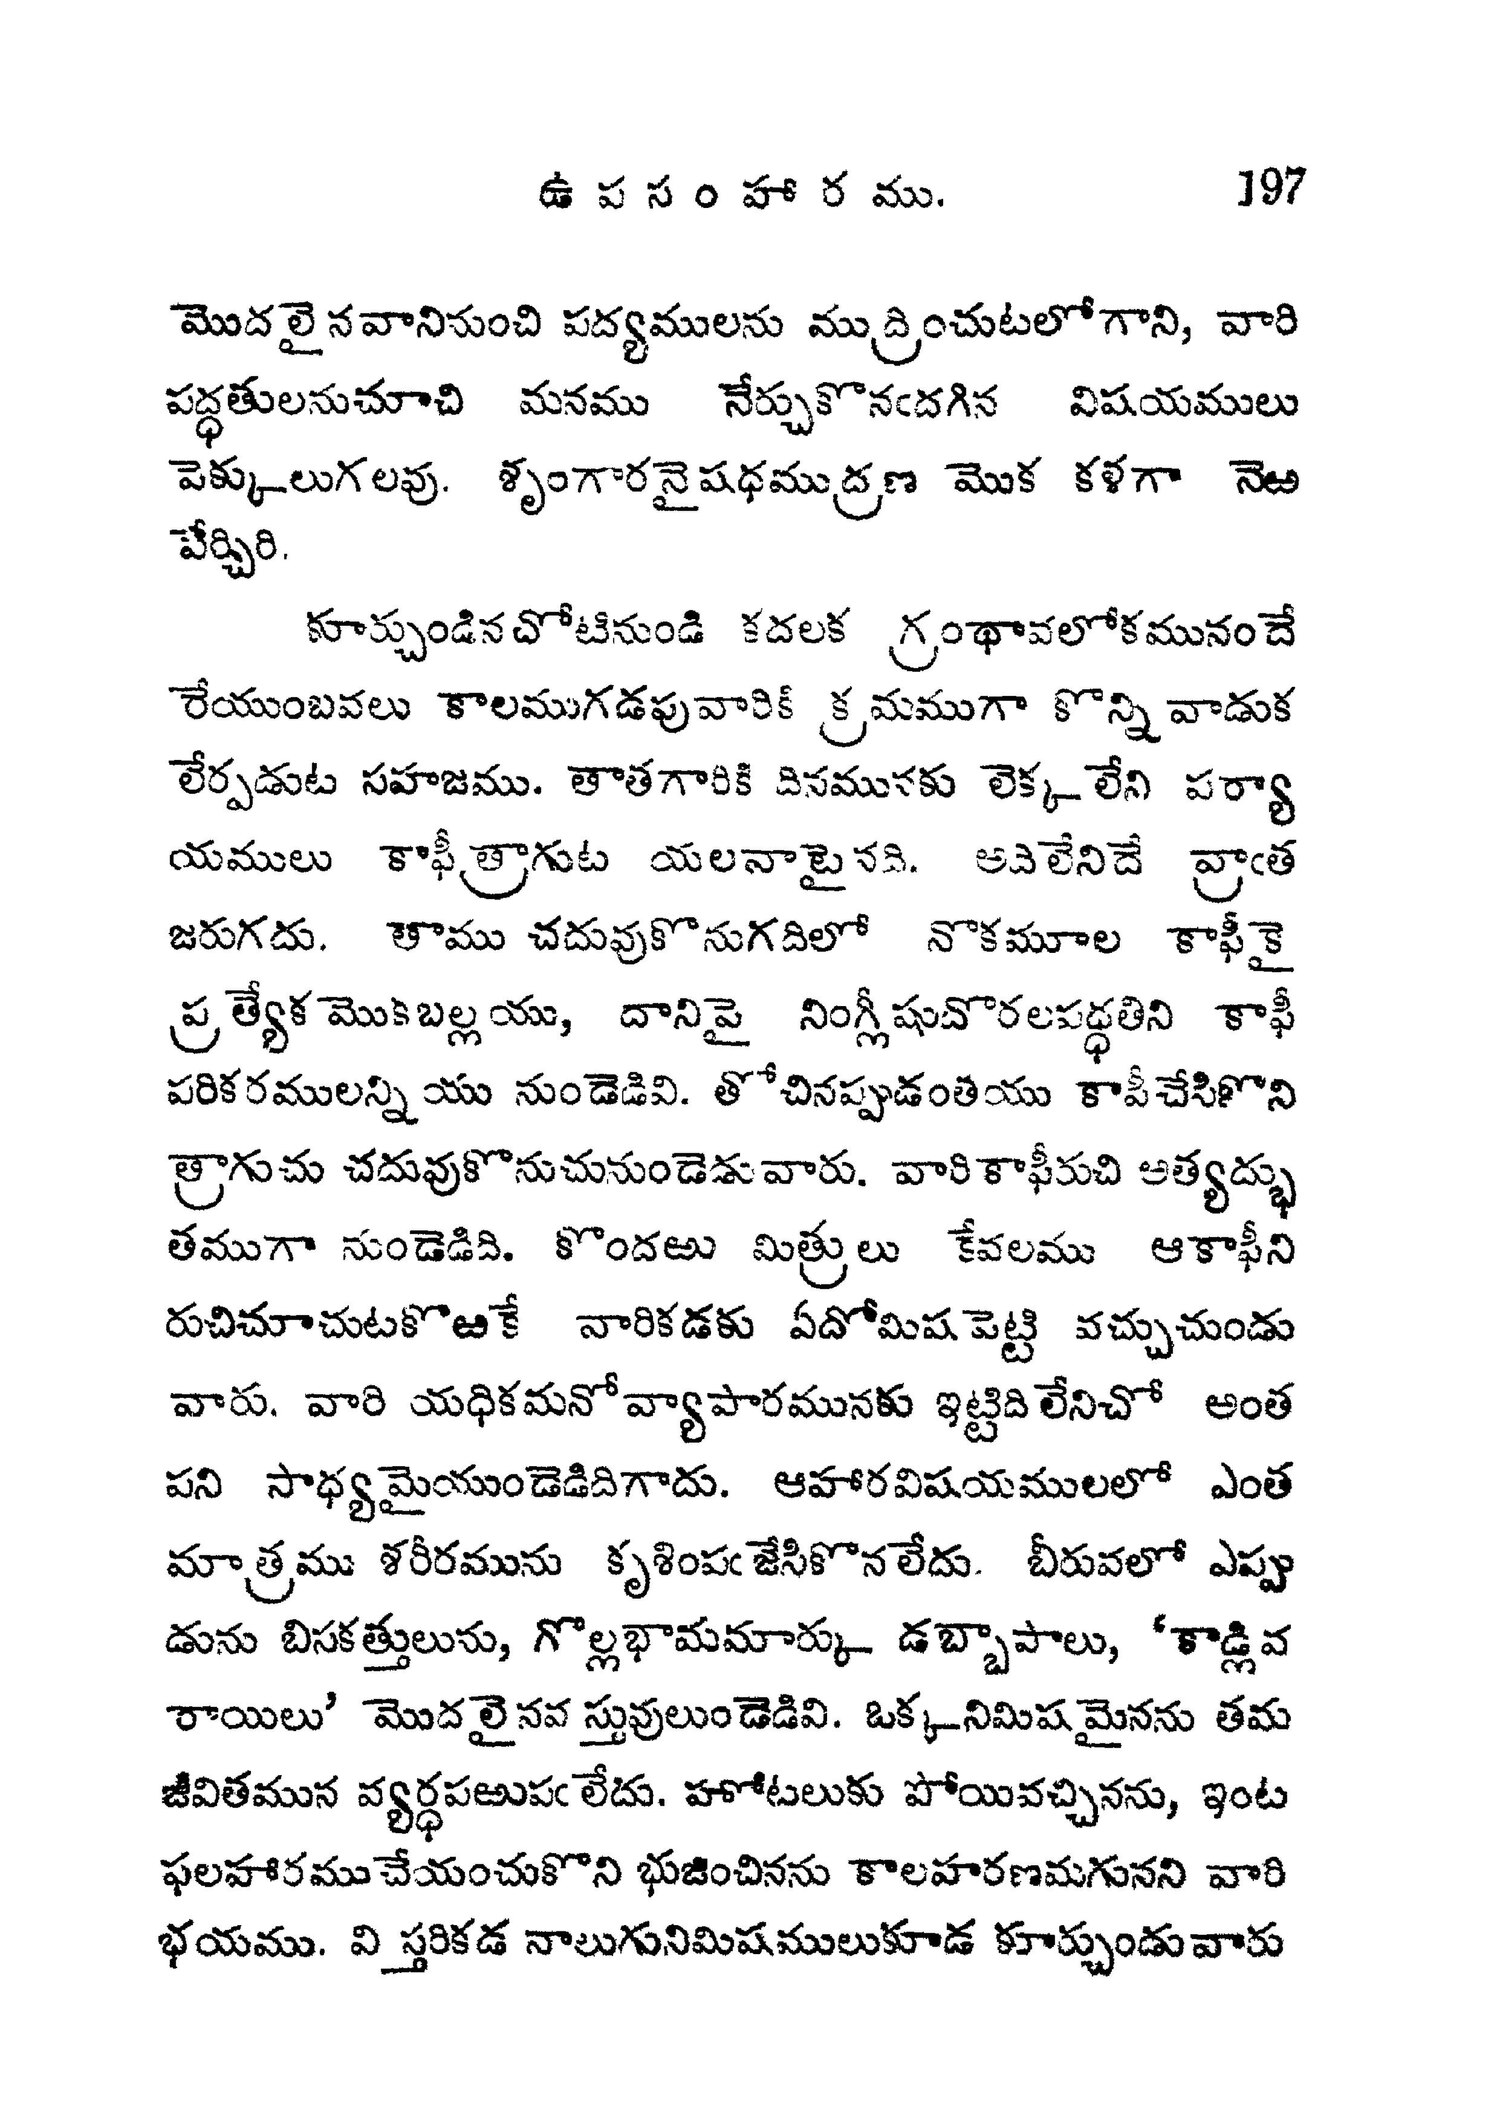మొదలైనవాని నుంచి పద్యములను ముద్రించుటలోగాని, వారి పద్ధతులను చూచి మనము నేర్చుకొనదగిన విషయములు పెక్కులుగలవు. శృంగారనైషధముద్రణ మొక కళగా నెఱవేర్చిరి.

కూర్చుండినచోటినుండి కదలక గ్రంథావలోకమునందే రేయుంబవలు కాలముగడపువారికి క్రమముగా కొన్ని వాడుక లేర్పడుట సహజము. తాతగారికి దినమునకు లెక్కలేని పర్యాయములు కాఫీత్రాగుట యలవాటైనది. అదిలేనిదే వ్రాత జరుగదు. తాము చదువుకొనుగదిలో నొకమూల కాఫీకై ప్రత్యేక మొకబల్లయు, దానిపై నింగ్లీషుదొరలపద్ధతిని కాఫీ పరికరములన్నియు నుండెడివి. తోచినప్పుడంతయు కాఫీచేసికొని త్రాగుచు చదువుకొనుచు నుండెడువారు. వారి కాఫీరుచి అత్యద్భుతముగా నుండెడిది. కొందఱు మిత్రులు కేవలము ఆకాఫీని రుచిచూచుటకొఱకే వారికడకు ఏదోమిషపెట్టి వచ్చుచుండువారు. వారి యధికమనోవ్యాపారమునకు ఇట్టిదిలేనిచో అంతపని సాధ్యమైయుండెడిదిగాదు. ఆహార విషయములలో ఎంత మాత్రము శరీరమును కృశింప జేసికొనలేదు. బీరువలో ఎప్పుడును బిసకత్తులును, గొల్లభామమార్కు డబ్బాపాలు, 'కాడ్లివరాయిలు' మొదలైన వస్తువులుండెడివి. ఒక్కనిమిషమైనను తమ జీవితమున వ్యర్థపఱుపలేదు. హోటలుకు పోయివచ్చినను, ఇంట ఫలహారము చేయంచుకొని భుజించినను కాలహరణమగునని వారి భయము. విస్తరికడ నాలుగు నిమిషములు కూడ కూర్చుండువారు